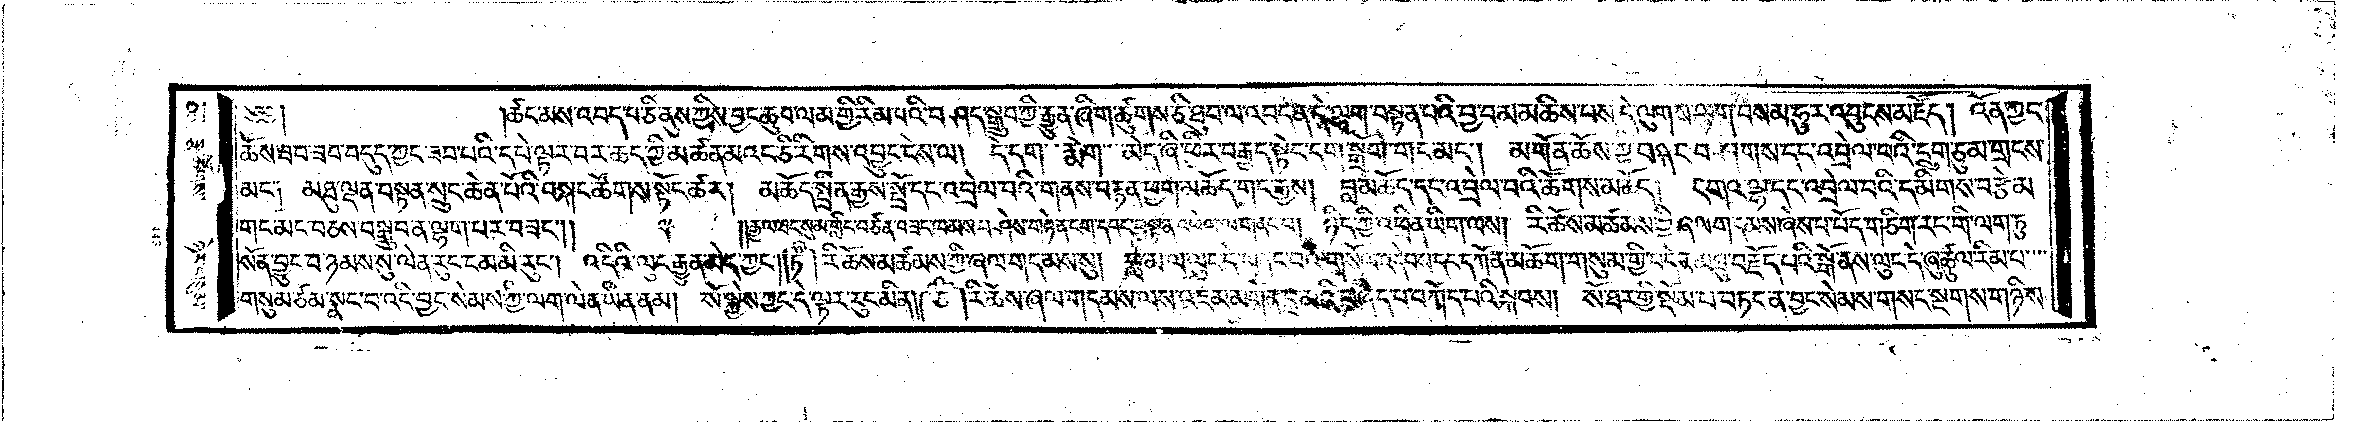༄༅། །ཚང་མས་འབད་པ་ཅི་ནུས་ཀྱིས་བྱང་ཆུབ་ལམ་གྱི་རིམ་པའི་བཤད་སྒྲུབ་ཀྱི་རྒྱུན་ཞིག་ཚུགས་ཅི་ཐུབ་ལ་འབད་ན་དེ་ལྷག་བསྟན་པའི་བྱ་བ་མ་མཆིས་པས་དེ་ལུགས་ལྷག་བསམ་ཧུར་འབུངས་མཛོད། འོན་ཀྱང་
ཆོས་ཟབ་ཟབ་བདུད་ཀྱང་ཟབ་པའི་དཔེ་ལྟར་བར་ཆད་ཀྱི་མཚན་མའང་ཅི་རིགས་འབྱུང་ངེས་ལ། དེ་དག་རྨེག་མེད་ཞི་ཕྱིར་བརྒྱད་སྟེང་དག་སྒྲོག་གང་མང་། མགོན་ཆོས་ཀྱི་བསྐང་བཤགས་དང་འབྲེལ་བའི་དྲུག་ཅུ་མ་གྲངས་
མང༑ མཐུ་ལྡན་བསྟན་སྲུང་ཆེན་པོའི་བསྐང་ཚོགས་སྟོང་ཚར། མཆོད་སྤྲིན་རྒྱས་སྤྲོ་དང་འབྲེལ་བའི་གནས་བརྟན་ཕྱག་མཆོད་གང་རྒྱས། བླ་མཆོད་དང་འབྲེལ་བའི་ཚོགས་མཆོད། དགའ་ལྷ་དང་འབྲེལ་བའི་དམིགས་བརྩེམ་
གང་མང་བཅས་བསྒྲུབ་ན་ལྷག་པར་བཟང།། ༈ །།རྒྱལ་ཐང་སུམ་གླིང་བཙན་བཟང་ཁམས་བཤེས་གཉེན་ངག་དབང་བསྟན་འཕེལ་ལ་གནང་བ།  ཉིད་ཀྱི་འཕྲིན་ཡིག་ལས། རི་ཆོས་མཚམས་ཀྱི་ཞལ་གདམས་ཞེས་པ་པོད་གཅིག་རང་གི་ལག་ཏུ་
སོན་བྱུང་བ་ཉམས་སུ་ལེན་རུང་ངམ་མི་རུང་། འདིའི་ལུང་རྒྱུན་མེད་ཀྱང་། ༼ཏཾ༽ རི་ཆོས་མཚམས་ཀྱི་ཞལ་གདམས་སུ། བླ་མ་ལ་ལུང་དེ་གནང་བའི་གསོལ་འདེབས་དང་དཀོན་མཆོག་གསུམ་གྱི་བདེན་མཐུ་བརྗོད་པའི་སྒོ་ནས་ལུང་དེ་ཞུ་ཚུལ་རིམ་པ་
གསུམ་ཙམ་སྣང་བ་འདི་བྱང་སེམས་ཀྱི་ལག་ལེན་ཡིན་ནམ། སོ་སྐྱེས་ཀྱང་དེ་ལྟར་རུང་མིན། ༼ཅ༽ རི་ཆོས་ཞལ་གདམས་ལས་འཇམ་མགོན་བླ་མའི་བཞེད་པ་བཀོད་པའི་སྐབས། སོ་ཐར་གྱི་སྡོམ་པ་བཏང་ན་བྱང་སེམས་གསང་སྔགས་གཉིས་